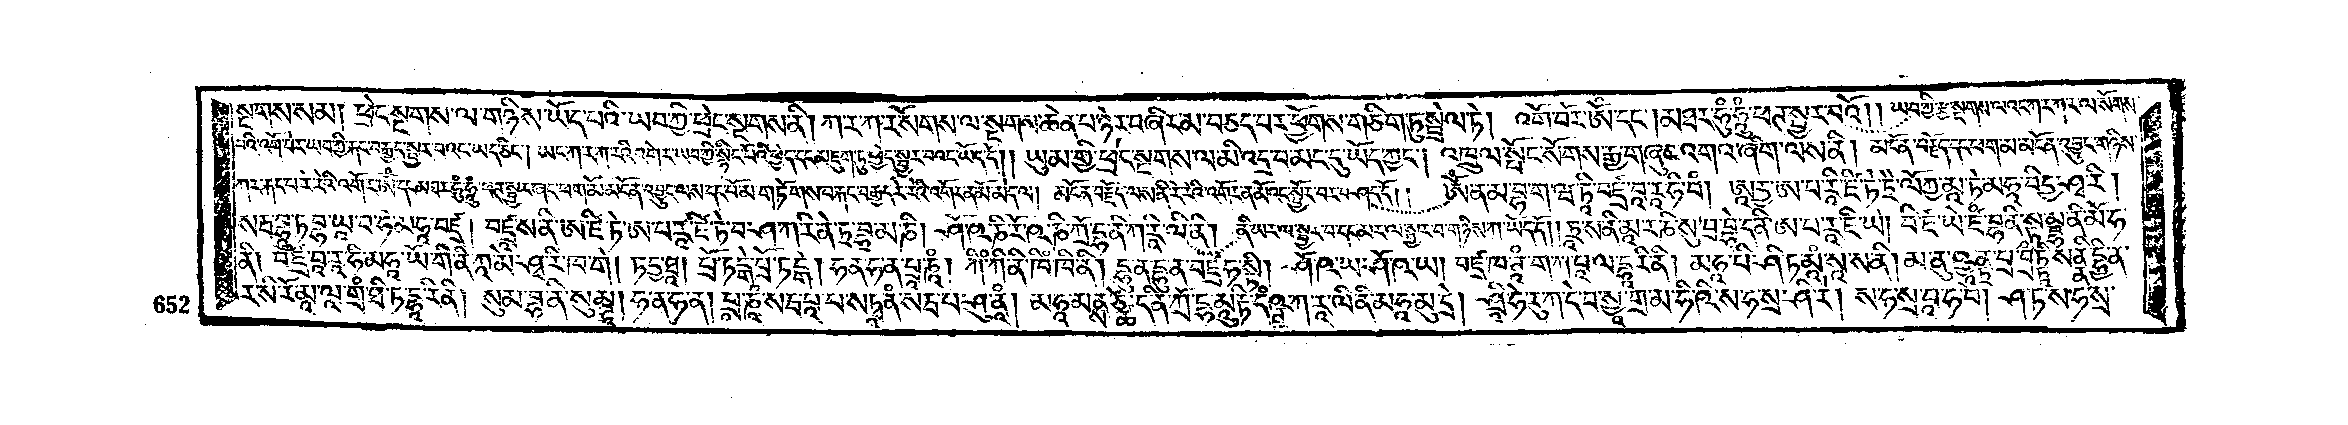སྔགས་སམ། ཕྲེང་སྔགས་ལ་གཉིས་ཡོད་པའི་ཡབ་ཀྱི་ཕྲེང་སྔགས་ནི། ཀ་ར་ཀ་ར་སོགས་ལ་སྔགས་ཆན་པ་ཉེར་བཞིར་མ་བཅད་པར་ཕྱོགས་གཅིག་ཏུ་སྦྲེལ་ཏེ། འགོ་བོར་ཨོཾ་དང་། མཐར་ཧུཾ་ཧཱུཾ་ཕཊ་སྦྱར་བའོ། །ཡབ་ཀྱི་རྩ་སྔགས་ལའང་ཀ་ར་ཀ་ར་ལ་སོགས་
པའི་འགོ་པོར་ཡབ་ཀྱི་རྐང་བརྒྱད་སྦྱར་བའང་ཡོད་ཅིང་། ཡང་ཀ་ར་ཀ་རའི་འགོར་ཡབ་ཀྱི་སྙིང་པོའི་ཕྱེད་དང་མཇུག་ཏུ་ཕྱེད་སྦྱར་བའང་ཡོད་དོ། །ཡུམ་གྱི་ཕྲེང་སྔགས་ལ་མི་འདྲ་བ་མང་དུ་ཡོད་ཀྱང་། འཁྲུལ་སྤོང་སོགས་རྒྱ་གཞུང་འགའ་ཞིག་ལས་ནི། མངོན་བརྗོད་དང་ཕག་མ་མངོན་འབྱུང་གཉིས་
ཀར་རྐང་པ་རེ་རེའི་འགོར་ཨོཾ་དང་མཐར་ཧུཾ་ཧཱུཾ་ཕཊ་སྦྱར་ཞིང་ཕག་མོ་མངོན་འབྱུང་ལས་དང་པོ་མ་གཏོགས་པ་རྐང་བརྒྱད་རེ་རེའི་འགོར་ན་མོ་མེད་ལ། མངོན་བརྗོད་ལས་ནི་རེ་རེའི་འགོར་ན་མོའང་སྦྱོར་བར་བཤད་དོ། །ཨོཾ་ན་མོ་བྷ་ག་ཝ་ཏཱི་བཛྲ་བཱ་རཱ་ཧི་བཾ། ཨཱརྱ་ཨ་པ་རཱི་ཛི་ཏེ་ཏྲཻ་ལོཀྱ་མཱ་ཏེ་མཧཱ་བིདྱ་ཤྭ་རི།
སརྦ་བྷཱ་ཏ་བྷ་ཡཱ་བ་ཧེ་མཧཱ་བཏྲེ། བཛྲ་ས་ནི་ཨ་ཛི་ཏེ་ཨ་པ་རཱ་ཛེ་ཏེ་བ་ཤ་ཀ་རི་ནི་ཏྲ་བྷྲ་མ་ཎི། ཤོ་ཥ་ཎི་རོ་ཥ་ཎི་ཀྲོ་དྷ་ནི་ཀ་རི་ལི་ནི། ནི་ཡར་ལ་སྦྱར་བ་དང་མར་ལ་སྦྱར་བ་གཉིས་ཀ་ཡོད་དོ།  །ཏྲཱ་ས་ནི་མཱ་ར་ཎི་སུ་བྲ་བྷེ་ད་ནི་ཨ་པ་རཱ་ཇི་ཡེ། བི་ཛ་ཡེ་ཛཾ་བྷ་ནི་སྟམྦྷ་ནི་མོ་ཧ་ནི། བཛྲ་བཱ་རཱ་ཧི་མཧཱ་ཡོ་གི་ནི་ཀཱ་མེ་ཤྭ་རི་ཁ་གེ། ཏ་དྱ་ཐཱ། ཕྲོ་ཏ་དགེ་པྲོ་ཏ་དགེ། ཧན་ཧན་པྲཱ་ཎཱཾ། ཀིཾ་ཀི་ནི་ཁིཾ་ཁི་ནི། དྷུ་ན་དྷུ་ན་བཛྲ་ཧ་སྟེ། ཤ་ཥ་ཡ་ཤོ་ཥ་ཡ། བཛྲ་ཁ་ཊཱཾ་ག་ག་པཱ་ལ་དྷཱ་རི། མཧཱ་པི་ཤི་ཏ་ཏ་མཱཾ་སཱ་ས་ནི། མ་ནུ་ཥྱཱ་ནྟྲ་པྲ་བྲྀཏྟཱི་སྣྣི་དགྱི་ན་
ར་སི་རོ་མཱ་ལཱ་གྲཾ་ཐི་ཏ་དྷཱ་རི་ནི། སུམ་བྷ་ནི་སུམྦྷ། ཧ་ན་ཧ་ན། པྲཱ་ཎཾ་སརྦ་པཱ་པ་སཏྭཱ་ནཾ་སརྦ་པ་ཤུ་ནཱཾ། མཧཱ་མནྶ་ཙྪ་དེ་ནི་ཀྲོ་དྷ་མཱུརྟི་དཾཥྚ་ཀ་རཱ་ལི་ནི་མཧཱ་མུ་དྲེ། ཤྲཱི་ཧེ་རུ་ཀ་དེ་བ་སྱཱུ་གྲ་མ་ཧི་ཥི་ས་ཧ་སྲ་ཤི་རེ། ས་ཧ་སྲ་བཱ་ཧ་བོ། ཤ་ཏ་ས་ཧ་སྲ་